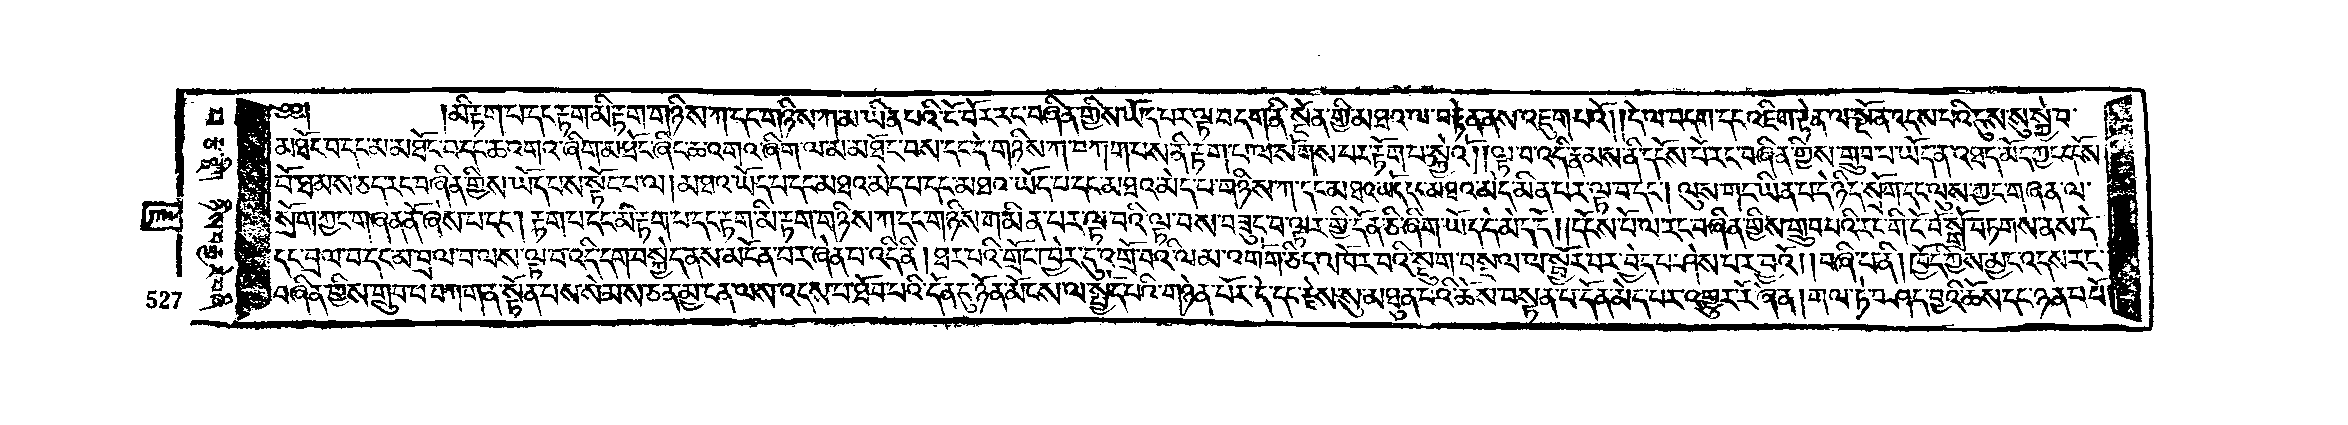༄༅། །མི་རྟག་པ་དང་རྟག་མི་རྟག་གཉིས་ཀ་དང་གཉིས་ཀ་མ་ཡིན་པའི་ངོ་བོར་རང་བཞིན་གྱིས་ཡོད་པར་ལྟ་བ་དག་ནི་སྔོན་གྱི་མཐའ་ལ་བརྟེན་ནས་འཇུག་པའོ། །དེ་ལ་བདག་དང་འཇིག་རྟེན་ལ་སྔོན་འདས་པའི་དུས་སུ་སྐྱེ་བ་
མཐོང་བ་དང་མ་མཐོང་བ་དང་ཆ་འགའ་ཞིག་མཐོང་ཞིང་ཆ་འགའ་ཞིག་ལ་མ་མཐོང་བས་དང་དེ་གཉིས་ཀ་བཀག་པས་ནི་རྟག་པ་ལ་སོགས་པར་རྟོག་པ་སྐྱེའོ། །ལྟ་བ་འདི་རྣམས་ནི་དངོས་པོ་རང་བཞིན་གྱིས་གྲུབ་པ་ཡོད་ན་འཐད་མོད་ཀྱང་དངོས་
པོ་ཐམས་ཅད་རང་བཞིན་གྱིས་ཡོད་པས་སྟོང་པ་ལ། མཐའ་ཡོད་པ་དང་མཐའ་མེད་པ་དང་མཐའ་ཡོད་པ་དང་མཐའ་མེད་པ་གཉིས་ཀ་དང་མཐའ་ཡོད་དང་མཐའ་མེད་མིན་པར་ལྟ་བ་དང་། ལུས་གང་ཡིན་པ་དེ་ཉིད་སྲོག་དང་ལུས་ཀྱང་གཞན་ལ་
སྲོག་ཀྱང་གཞན་ནོ་ཞེས་པ་དང་། རྟག་པ་དང་མི་རྟག་པ་དང་མི་རྟག་གཉིས་ཀ་དང་གཉིས་ཀ་མིན་པར་ལྟ་བའི་ལྟ་བས་བཟུང་བ་ལྟར་གྱི་དོན་ཅི་ཞིག་ཡོད་དེ་མེད་དོ། །དངོས་པོ་ལ་རང་བཞིན་གྱིས་གྲུབ་པའི་རང་གི་ངོ་བོ་སྒྲ་བཏགས་ནས་དེ་
དང་བྲལ་བ་དང་མ་བྲལ་བ་ལས་ལྟ་བ་འདི་དག་བསྐྱེད་ནས་མངོན་པར་ཞེན་པ་འདི་ནི། ཐར་པའི་གྲོང་ཁྱེར་དུ་འགྲོ་བའི་ལམ་འགོག་ཅིང་འཁོར་བའི་སྡུག་བསྔལ་ལ་སྦྱོར་བར་བྱེད་པ་ཤེས་པར་བྱའོ། །བཞི་པ་ནི། ཁྱོད་ཀྱིས་མྱང་འདས་རང་
བཞིན་གྱིས་གྲུབ་པ་བཀག་ན་སྟོན་པས་སེམས་ཅན་མྱ་ངན་ལས་འདས་པ་ཐོབ་པའི་དོན་དུ་ཉོན་མོངས་ལ་སྤྱོད་པའི་གཉེན་པོར་དེ་དང་རྗེས་སུ་མཐུན་པའི་ཆོས་བསྟན་པ་དོན་མེད་པར་འགྱུར་རོ་ཞེ་ན། གལ་ཏེ་བཤད་བྱའི་ཆོས་དང་ཉན་པ་པོ་